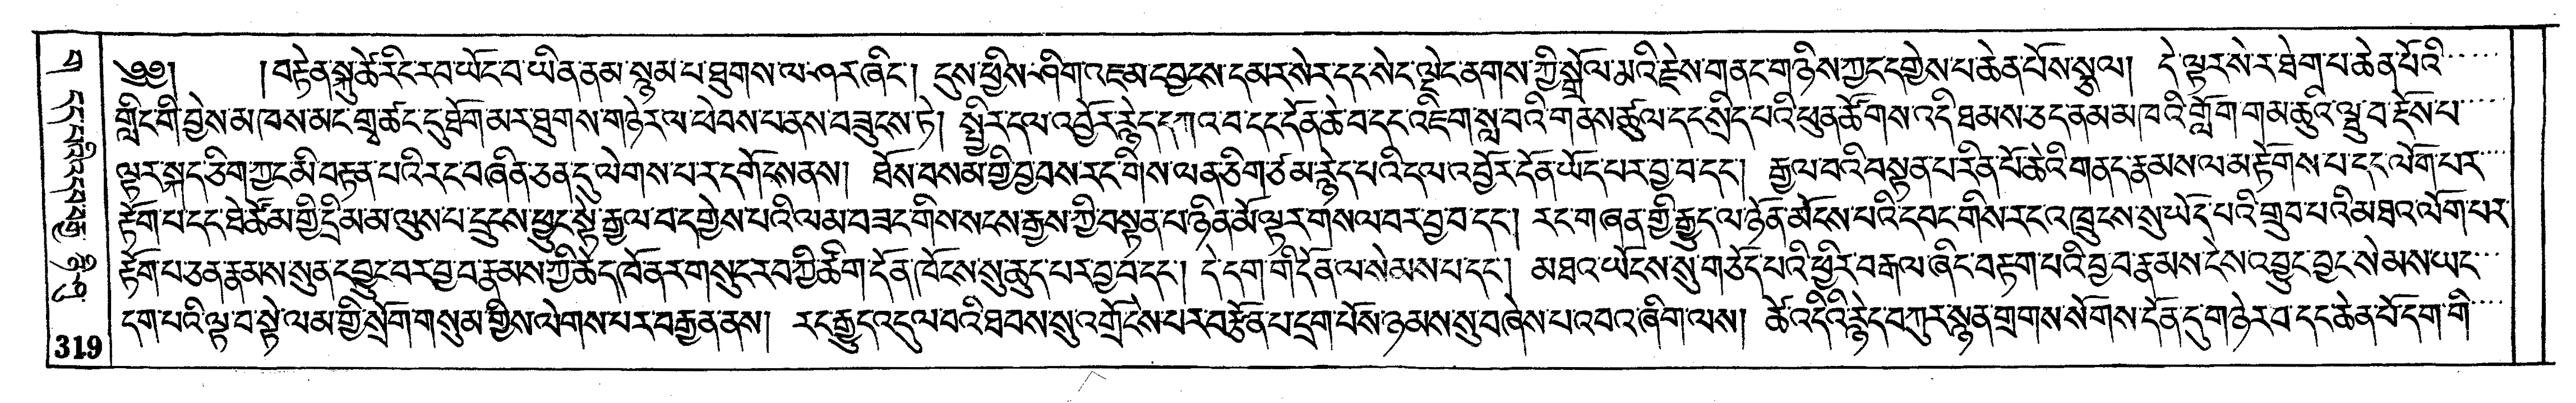༄༅། །བརྟེན་སྐུ་ཚེ་རིང་རབ་ཡོང་བ་ཡིན་ནམ་སྙམ་པ་ཐུགས་ལ་ཤར་ཞིང་། དུས་ཕྱིས་ཤིག་འཇམ་དབྱངས་དམར་སེར་དང་སེང་ལྡེང་ནགས་ཀྱི་སྒྲོལ་མའི་རྗེས་གནང་གཉིས་ཀྱང་དགྱེས་པ་ཆེན་པོས་སྩལ། དེ་ལྟར་སེ་ར་ཐེག་པ་ཆེན་པོའི་
གླིང་གི་བྱེས་མཁས་མང་གྲྭ་ཚང་དུ་ཐོག་མར་ཐུགས་གཉེར་ལ་ཕེབས་པ་ནས་བཟུངས་ཏེ། སྤྱིར་དལ་འབྱོར་རྙེད་དཀའ་བ་དང་དོན་ཆེ་བ་དང་འཇིག་སླ་བའི་གནས་ཚུལ་དང་སྲིད་པའི་ཕུན་ཚོགས་འདི་ཐམས་ཅད་ནམ་མཁའི་གློག་གམ་ཆུའི་ལྦུ་བ་རྡོས་པ་
ལྟར་སྐད་ཅིག་ཀྱང་མི་བརྟན་པའི་རང་བཞིན་ཅན་དུ་ལེགས་པར་དགོངས་ནས། ཐོས་བསམ་གྱི་བྱ་བས་རང་གིས་ལན་ཅིག་ཙམ་རྙེད་པའི་དལ་འབྱོར་དོན་ཡོད་པར་བྱ་བ་དང་། རྒྱལ་བའི་བསྟན་པ་རིན་པོ་ཆེའི་གནད་རྣམས་ལ་མ་རྟོགས་པ་དང་ལོག་པར་
རྟོག་པ་དང་ཐེ་ཚོམ་གྱི་དྲི་མ་མ་ལུས་པ་དྲུངས་ཕྱུང་སྟེ་རྒྱལ་བ་དགྱེས་པའི་ལམ་བཟང་གིས་སངས་རྒྱས་ཀྱི་བསྟན་པ་ཉིན་མོ་ལྟར་གསལ་བར་བྱ་བ་དང་། རང་གཞན་གྱི་རྒྱུད་ལ་ཉོན་མོངས་པའི་དབང་གིས་རང་འཁྲུངས་སུ་ཡོད་པའི་གྲུབ་པའི་མཐའ་ལོག་པར་
རྟོག་པ་ཅན་རྣམས་སུན་དབྱུང་བར་བྱ་བ་རྣམས་ཀྱི་ཆེད་ཁོ་ནར་གསུང་རབ་ཀྱི་ཚིག་དོན་ཁོངས་སུ་ཆུད་པར་བྱ་བ་དང་། དེ་དག་གི་དོན་ལ་སེམས་པ་དང་། མཐའ་ཡོངས་སུ་གཅོད་པའི་ཕྱིར་བརྒལ་ཞིང་བརྟག་པའི་བྱ་བ་རྣམས་ངེས་འབྱུང་བྱང་སེམས་ཡང་
དག་པའི་ལྟ་བ་སྟེ་ལམ་གྱི་སྲོག་གསུམ་གྱིས་ལེགས་པར་བརྒྱན་ནས། རང་རྒྱུད་འདུལ་བའི་ཐབས་སུ་འགྲོ་ངེས་པར་བརྩོན་པ་དྲག་པོས་ཉམས་སུ་བཞེས་པ་འབའ་ཞིག་ལས། ཚེ་འདིའི་རྙེད་བཀུར་སྙན་གྲགས་སོགས་དོན་དུ་གཉེར་བ་དང་ཆེན་པོ་དག་གི་